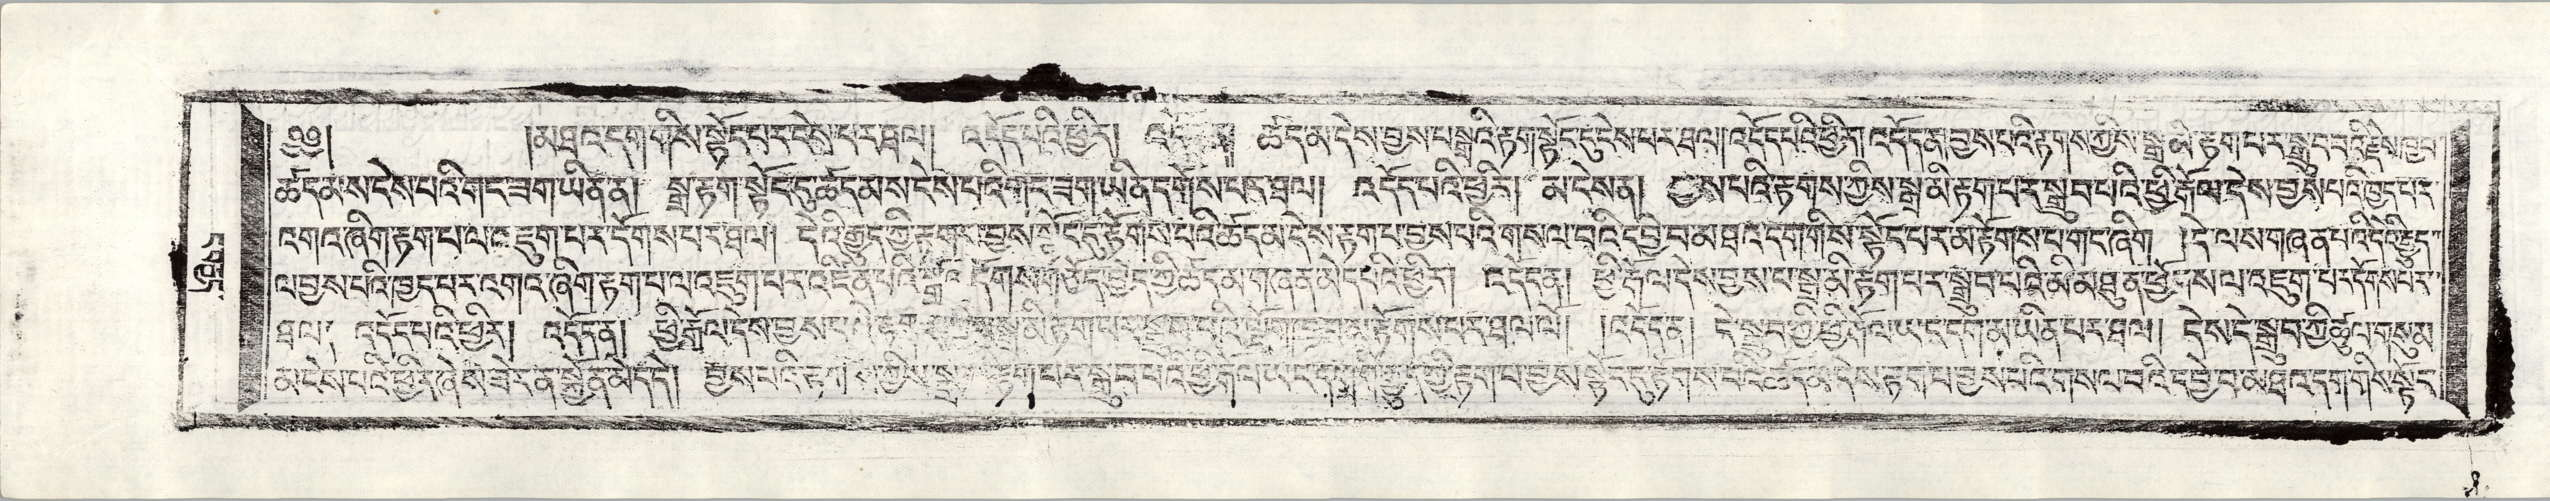༄༅། །མཐའ་དག་གིས་སྟོང་བར་ངེས་པར་ཐལ། འདོད་པའི་ཕྱིར། འདོད་ན། ཚད་མ་དེས་བྱས་པ་སྒྲའི་རྟག་སྟོང་དུ་ངེས་པར་ཐལ། འདོད་པའི་ཕྱིར། འདོད་ན། བྱས་པའི་རྟགས་ཀྱིས་སྒྲ་མི་རྟག་པར་སྒྲུབ་པའི་རྗེས་ཁྱབ་
ཚད་མས་ངེས་པའི་གང་ཟག་ཡིན་ན། སྒྲ་རྟག་སྟོང་དུ་ཚད་མས་ངེས་པའི་གང་ཟག་ཡིན་དགོས་པར་ཐལ། འདོད་པའི་ཕྱིར། མ་ངེས་ན། བྱས་པའི་རྟགས་ཀྱིས་སྒྲ་མི་རྟག་པར་སྒྲུབ་པའི་ཕྱི་རྒོལ་དེས་བྱས་པའི་ཁྱད་པར་
འགའ་ཞིག་རྟག་པ་ལ་འཇུག་པར་དོགས་པར་ཐལ། དེའི་རྒྱུད་ཀྱི་རྟག་པ་བྱས་སྟོང་དུ་རྟོགས་པའི་ཚད་མ་དེས་རྟག་པ་བྱས་པའི་གསལ་བའི་དབྱེ་བ་མཐའ་དག་གིས་སྟོང་པར་མ་རྟོགས་པ་གང་ཞིག །དེ་ལས་གཞན་པའི་དེའི་རྒྱུད་
ལ་བྱས་པའི་ཁྱད་པར་འགའ་ཞིག་རྟག་པ་ལ་འཇུག་པར་འཛིན་པའི་སྒྲོ་འདོགས་གཅོད་བྱེད་ཀྱི་ཚད་མ་གཞན་མེད་པའི་ཕྱིར། འདོད་ན། ཕྱི་རྒོལ་དེས་བྱས་པ་སྒྲ་མི་རྟག་པར་སྒྲུབ་པའི་མི་མཐུན་ཕྱོགས་ལ་འཇུག་པར་དོགས་པར་
ཐལ། འདོད་པའི་ཕྱིར། འདོད་ན། ཕྱི་རྒོལ་དེས་བྱས་པའི་རྟགས་ཀྱིས་སྒྲ་མི་རྟག་པར་སྒྲུབ་པའི་ལྡོག་ཁྱབ་མ་རྟོགས་པར་ཐལ་ལོ། །འདོད་ན། དེ་སྒྲུབ་ཀྱི་ཕྱི་རྒོལ་ཡང་དག་མ་ཡིན་པར་ཐལ། དེས་དེ་སྒྲུབ་ཀྱི་ཚུལ་གསུམ་
མ་ངེས་པའི་ཕྱིར་ཞེས་ཟེར་ན་སྐྱོན་མེད་དེ། བྱས་པའི་རྟགས་ཀྱིས་སྒྲ་མི་རྟག་པར་སྒྲུབ་པའི་ཕྱི་རྒོལ་ཡང་དག་གི་རྒྱུད་ཀྱི་རྟག་པ་བྱས་སྟོང་དུ་རྟོགས་པའི་ཚད་མ་དེས་རྟག་པ་བྱས་པའི་གསལ་བའི་དབྱེ་བ་མཐའ་དག་གིས་སྟོང་